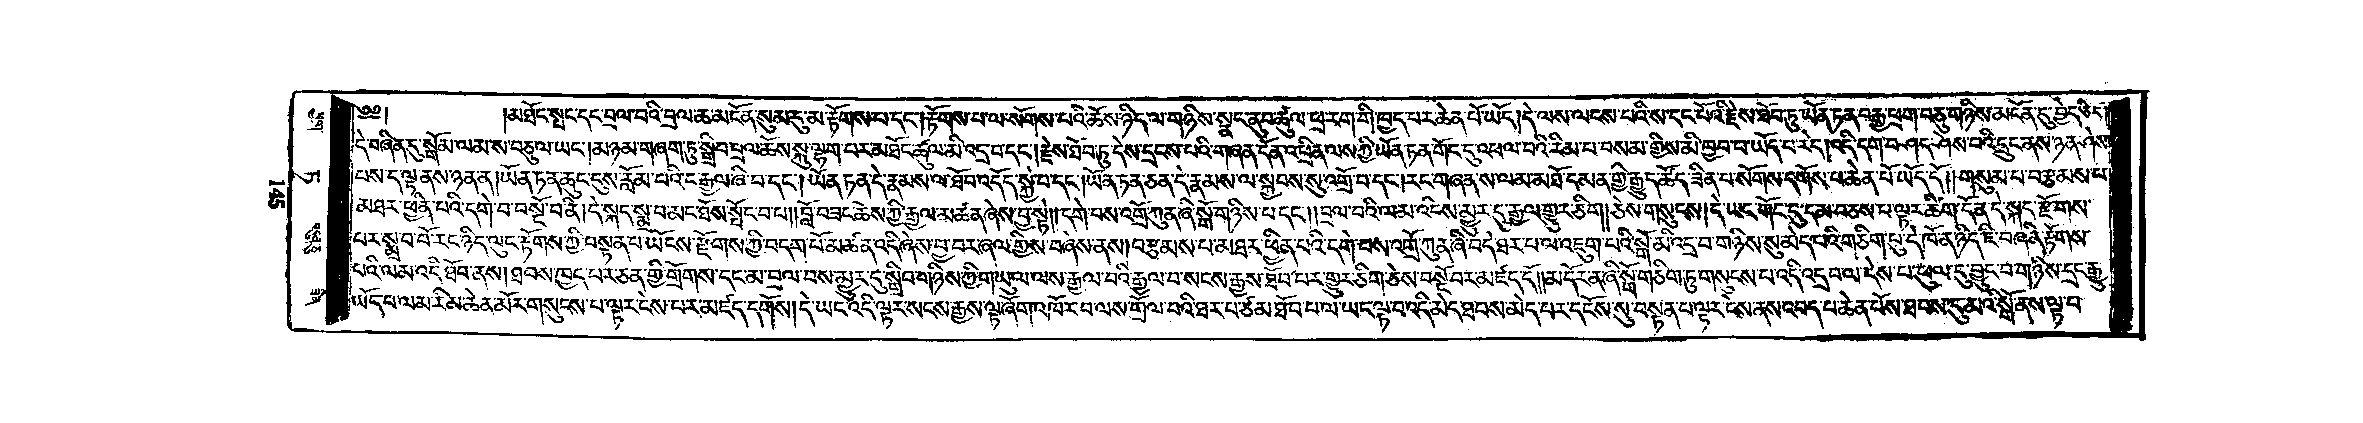༄༅། །མཐོང་སྤང་དང་བྲལ་བའི་བྲལ་ཆ་མངོན་སུམ་དུ་མ་རྟོགས་པ་དང་། རྟོགས་པ་ལ་སོགས་པའི་ཆོས་ཉིད་ལ་གཉིས་སྣང་ནུབ་ཚུལ་ཕྲ་རག་གི་ཁྱད་པར་ཆེན་པོ་ཡོད། དེ་ལས་ལངས་པའི་ས་དང་པོའི་རྗེས་ཐོབ་ཏུ་ཡོན་ཏན་བརྒྱ་ཕྲག་བཅུ་གཉིས་མངོན་དུ་བྱེད་ཅིང་།
དེ་བཞིན་དུ་སྒོམ་ལམ་ས་བཅུ་ལ་ཡང་། མཉམ་གཞག་ཏུ་སྒྲིབ་པྲལ་ཆོས་སྐུ་ལྷག་པར་མཐོང་ཚུལ་མི་འདྲ་བ་དང་། རྗེས་ཐོབ་ཏུ་དེས་དྲངས་པའི་གཞན་དོན་འཕྲིན་ལས་ཀྱི་ཡོན་ཏན་གོང་དུ་འཕལ་བའི་རིམ་པ་བསམ་གྱིས་མི་ཁྱབ་པ་ཡོད་པ་རེད། འདི་དག་བཤད་ཤེས་པའི་དྲུང་ནས་ཉན་ཤེས་
པས་ད་ལྟ་ནས་ཉན་ན། ཡོན་ཏན་ཆུང་ངུས་རློམ་པའི་ང་རྒྱལ་ཞི་བ་དང་། ཡོན་ཏན་དེ་རྣམས་ལ་ཐོབ་འདོད་སྐྱེ་བ་དང་། ཡོན་ཏན་ཅན་དེ་རྣམས་ལ་སྐྱབས་སུ་འགྲོ་བ་དང་། རང་གཞན་ས་ལམ་མཐོ་དམན་གྱི་རྒྱུད་ཚོད་ཟིན་པ་སོགས་དགོས་པ་ཆེན་པོ་ཡོད་དོ། །གསུམ་པ་བརྩམས་པ་
མཐར་ཕྱིན་པའི་དགེ་བ་བསྔོ་བ་ནི། དེ་སྐད་སྨྲ་བ་མང་ཐོས་སྤོང་བ་པ། །བློ་བཟང་ཆེས་ཀྱི་རྒྱལ་མཚན་ཞེས་བྱ་སྟེ། །དགེ་བས་འགྲོ་ཀུན་ཞི་སྒོ་གཉིས་པ་དང་། །བྲལ་བའི་ལམ་འདིས་མྱུར་དུ་རྒྱལ་གྱུར་ཅིག །ཅེས་གསུངས། དེ་ཡང་གོང་དུ་དམ་བཅས་པ་ལྟར་ཚིག་དོན་དེ་སྐད་རྫོགས་
པར་སྨྲ་བ་པོ་རང་ཉིད་ལུང་རྟོགས་ཀྱི་བསྟན་པ་ཡོངས་རྫོགས་ཀྱི་བདག་པོ་མཚན་འདི་ཞེས་བྱ་བར་ཞལ་གྱིས་བཞེས་ནས། བརྩམས་པ་མཐར་ཕྱིན་པའི་དགེ་བས་འགྲོ་ཀུན་ཞི་བདེ་ཐར་པ་ལ་འཇུག་པའི་སྒོ་མི་འདྲ་བ་གཉིས་སུ་མེད་པའི་གཅིག་པུ་དེ་ཁོ་ན་ཉིད་ཇི་བཞིན་རྟོགས་
པའི་ལམ་འདི་ཐོབ་ནས། ཐབས་ཁྱད་པར་ཅན་གྱི་གྲོགས་དང་མ་བྲལ་བས་མྱུར་དུ་སྒྲིབ་གཉིས་ཀྱི་གཡུལ་ལས་རྒྱལ་བའི་རྒྱལ་བ་སངས་རྒྱས་ཐོབ་པར་གྱུར་ཅིག་ཅེས་བསྔོ་བར་མཛད་དོ། །མདོར་ན་ཞི་སྒོ་གཅིག་ཏུ་གསུངས་པ་འདི་འདྲ་བ་ལ་དེས་པ་ཕུལ་དུ་བྱུང་བ་གཉིས་དྲང་རྒྱུ་
ཡོད་པ་ལམ་རིམ་ཆེན་མོར་གསུངས་པ་ལྟར་ངེས་པར་མཛད་དགོས། དེ་ཡང་འདི་ལྟར་སངས་རྒྱས་ལྟ་ཞོག་འཁོར་བ་ལས་གྲོལ་བའི་ཐར་པ་ཙམ་ཐོབ་པ་ལ་ཡང་ལྟ་བ་འདི་མེད་ཐབས་མེད་པར་དངོས་སུ་བསྟན་པ་ལྟར་ངེས་ནས་འབད་པ་ཆེན་པོས་ཐབས་དུ་མའི་སྒོ་ནས་ལྟ་བ་